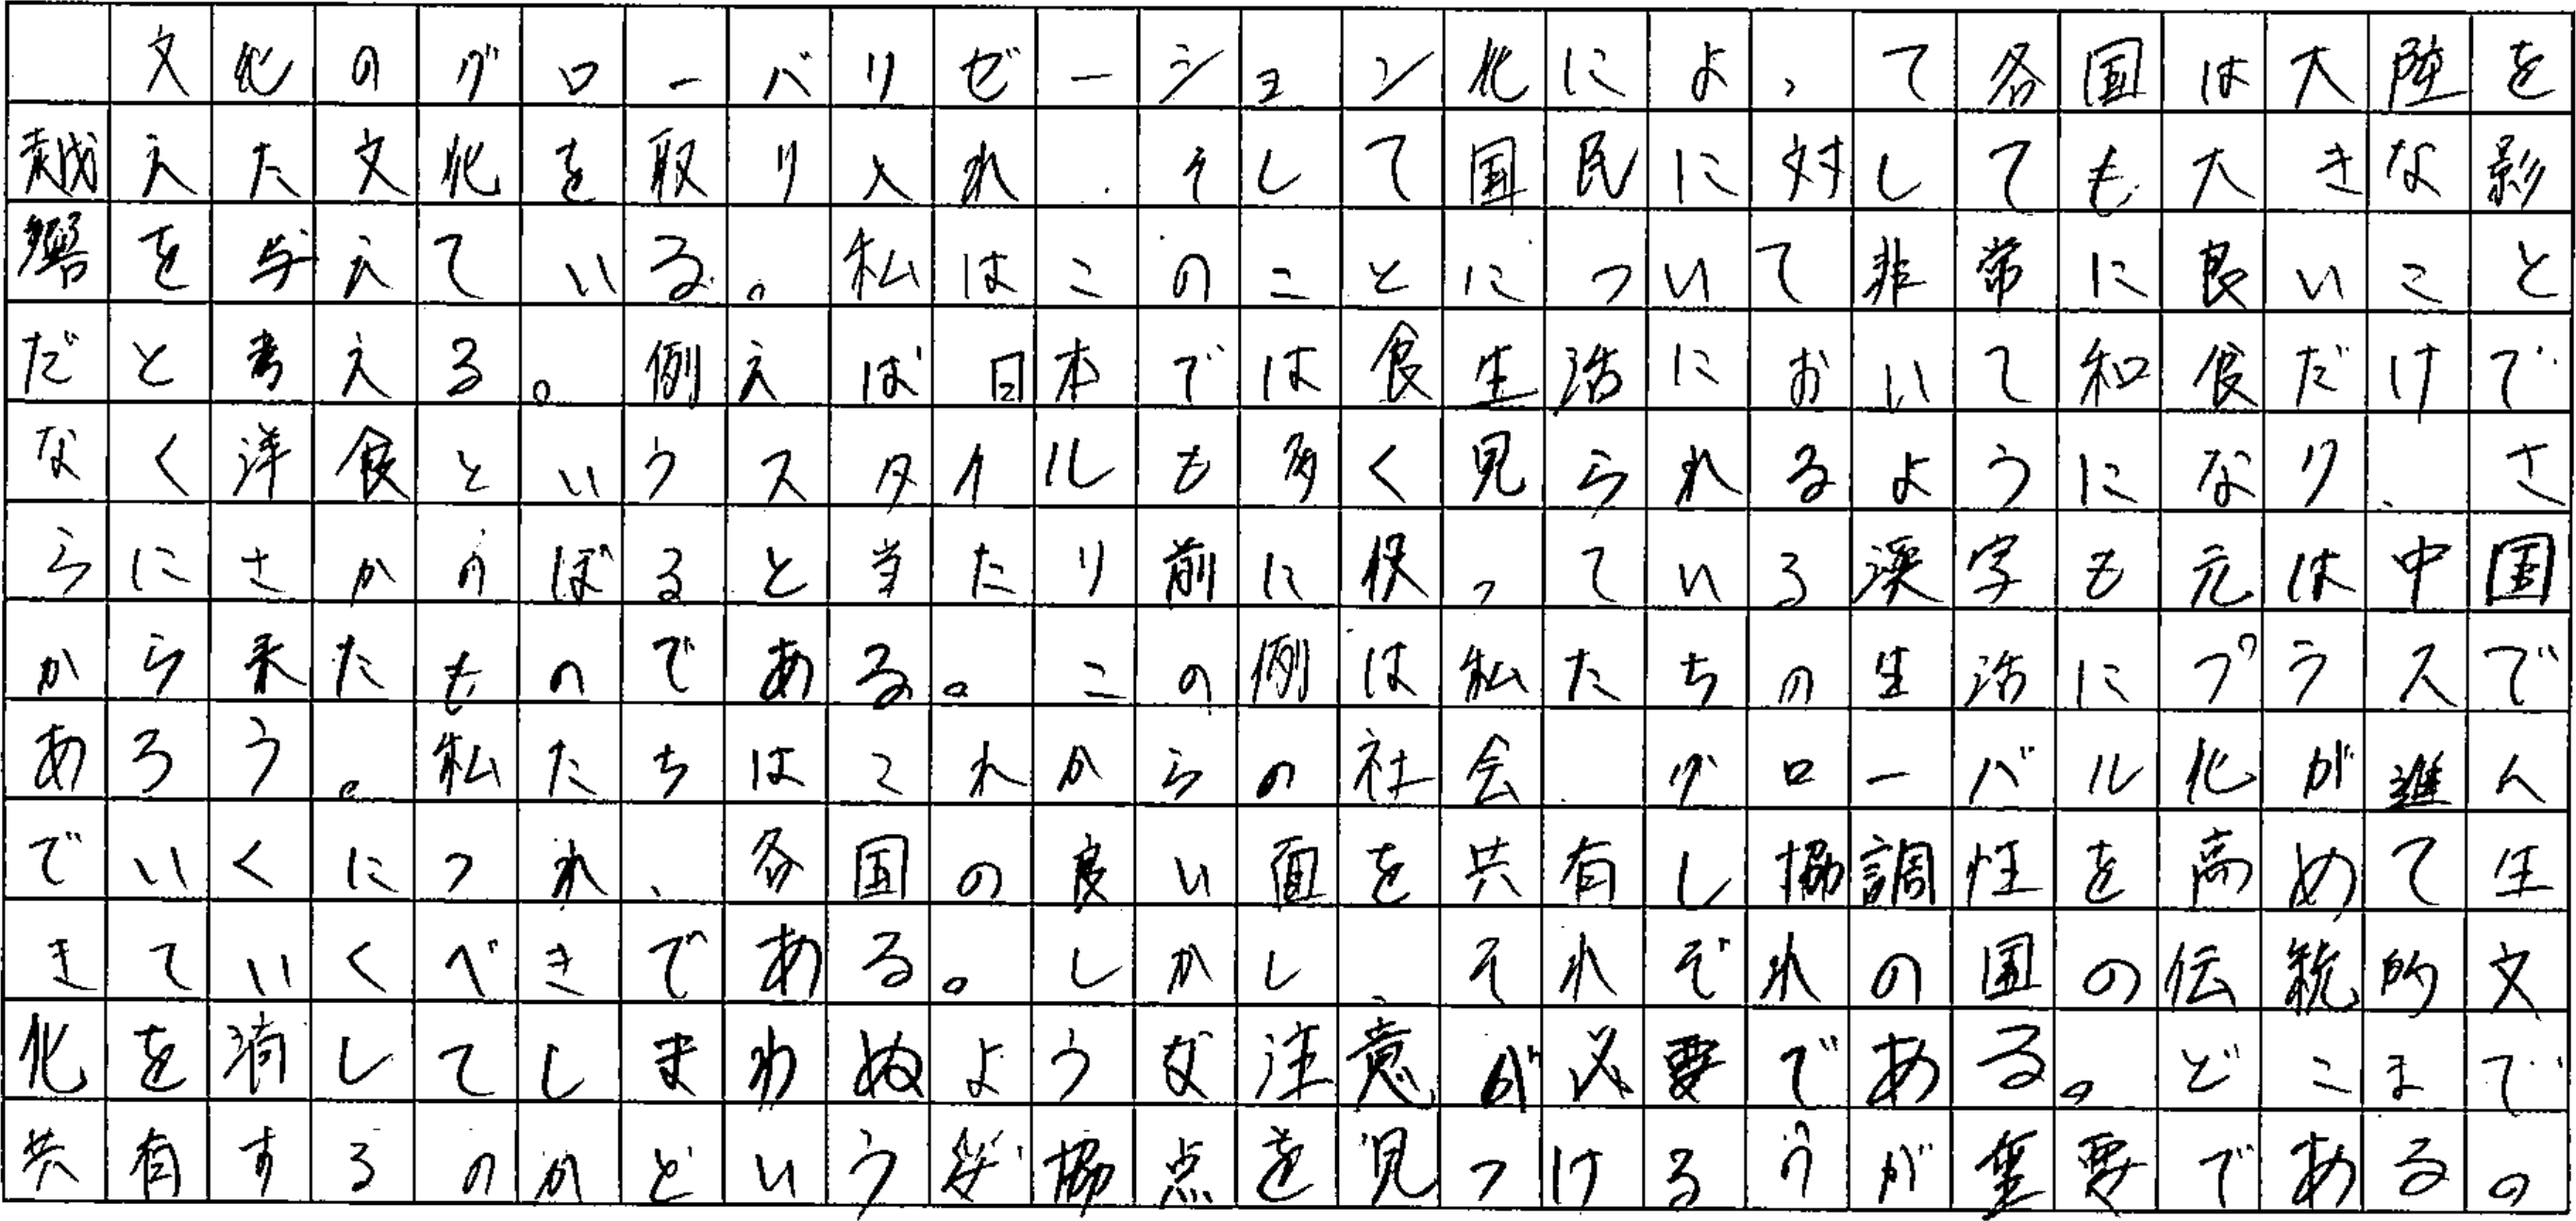　文化のグローバリゼーション化によって各国は大陸を越えた文化を取り入れ、そして国民に対しても大きな影響を与えている。私はこのことについて非常に良いことだと考える。例えば日本では食生活において和食だけでなく洋食というスタイルも多く見られるようになり、さらにさかのぼると当たり前に使っている漢字も元は中国から来たものである。この例は私たちの生活にプラスであろう。私たちはこれからの社会、グローバル化が進んでいくにつれ、各国の良い面を共有し協調性を高めて生きていくべきである。しかし、それぞれの国の伝統的文化を消してしまわぬような注意が必要である。どこまで共有するのかという妥協点を見つけるのが重要である。
